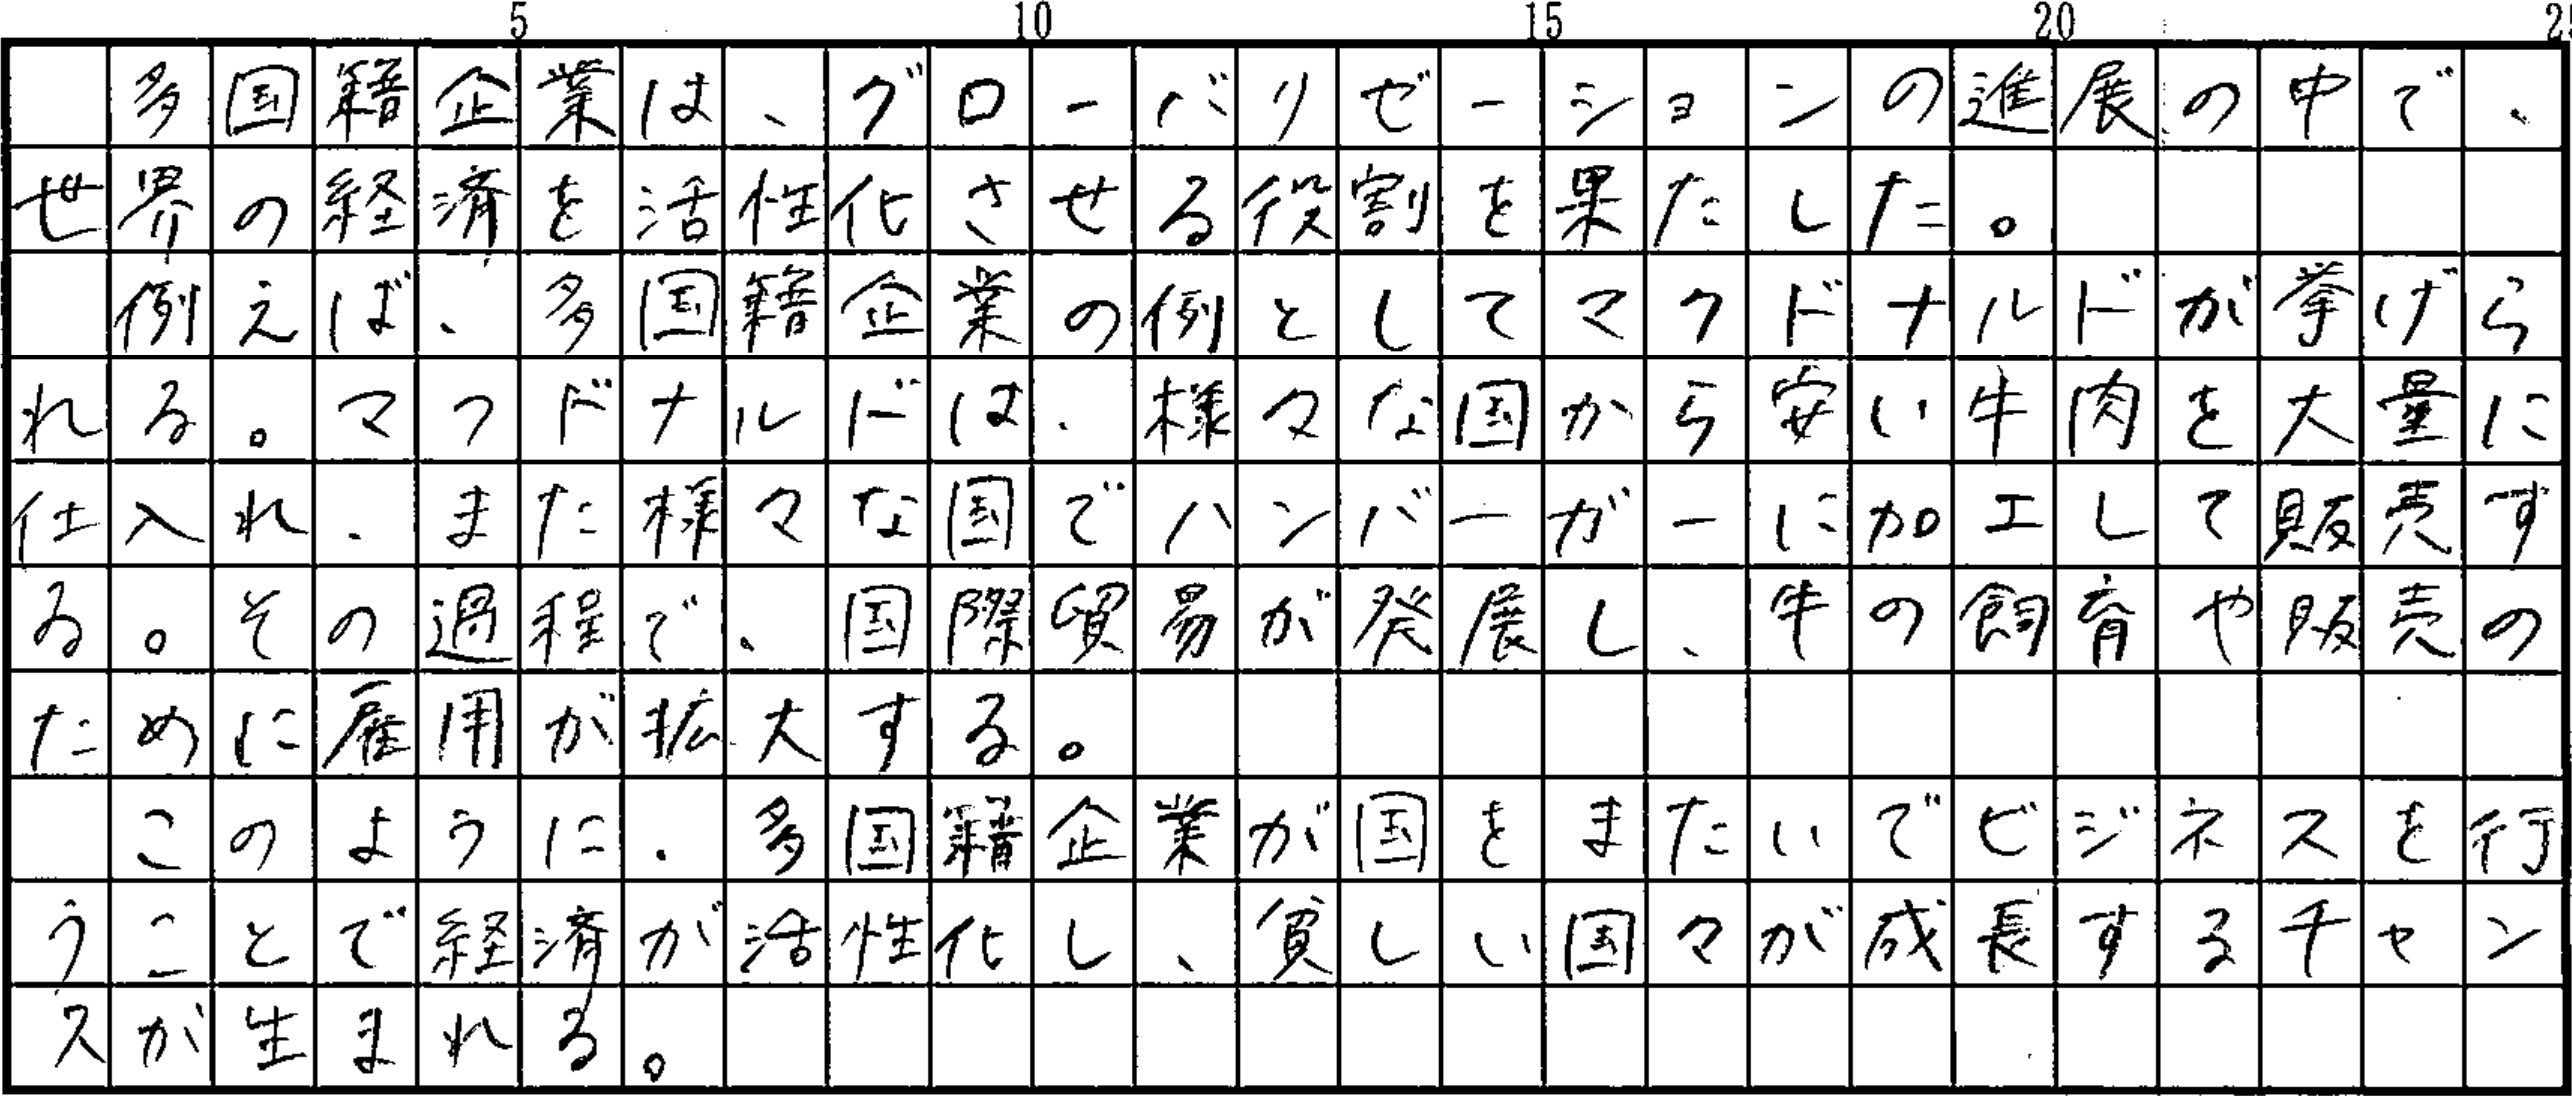　多国籍企業は、グローバリゼーションの進展の中で、世界の経済を活性化する役割を果たした。
　例えば、多国籍企業の例としてマクドナルドが挙げられる。マクドナルドは、様々な国から安い牛肉を大量に仕入れ、また様々な国でハンバーガーに加工して販売する。その過程で、国際貿易が発展し、牛の飼育や販売のために雇用が拡大する。
　このように、多国籍企業が国をまたいでビジネスを行うことで経済が活性化し、貧しい国々が成長するチャンスが生まれる。
